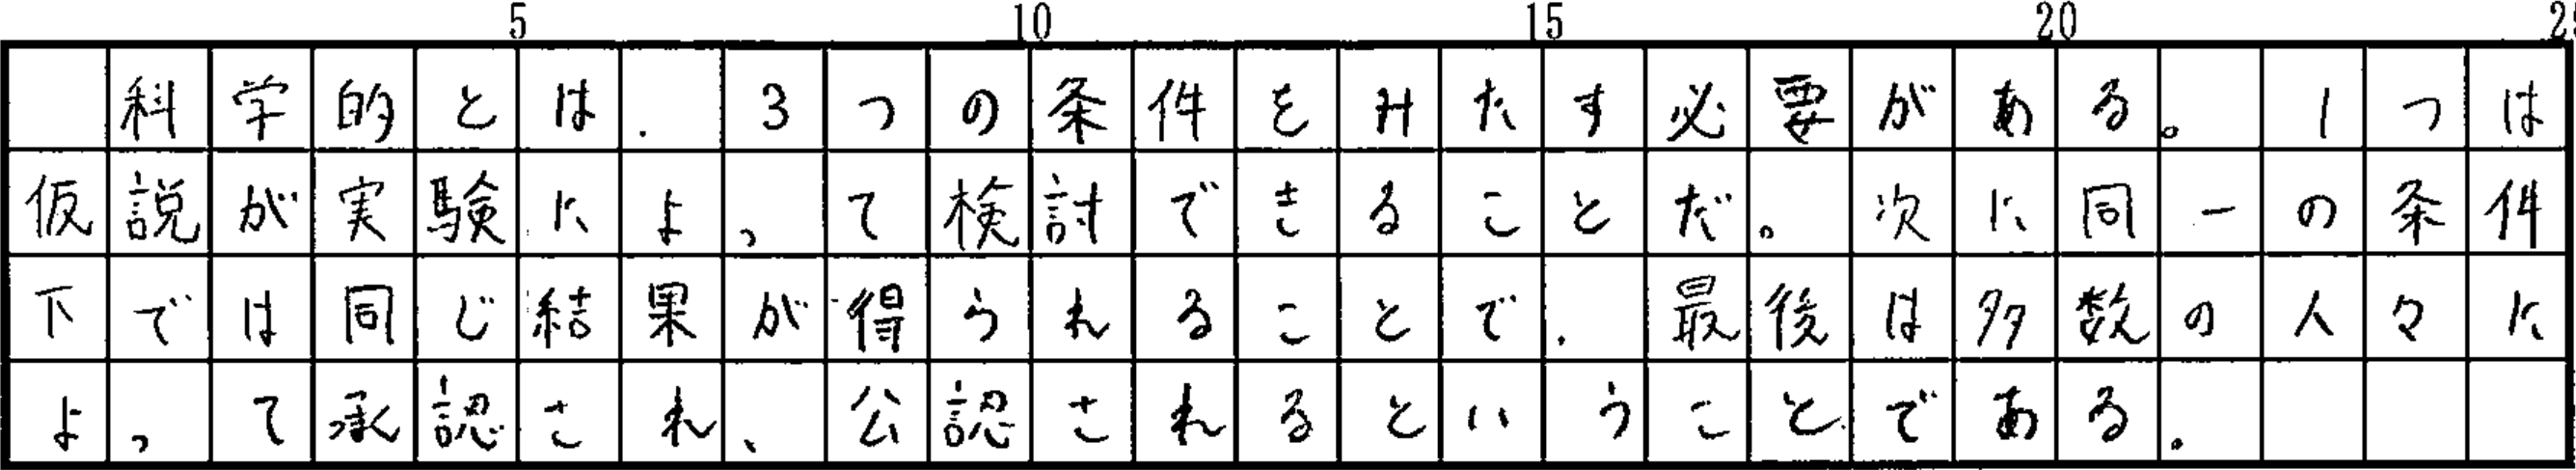　科学的とは、３つの条件をみたす必要がある。１つは仮説が実験によって検討できることだ。次に同一の条件下では同じ結果が得られることで、最後は多数の人々によって承認され、公認されるということである。
